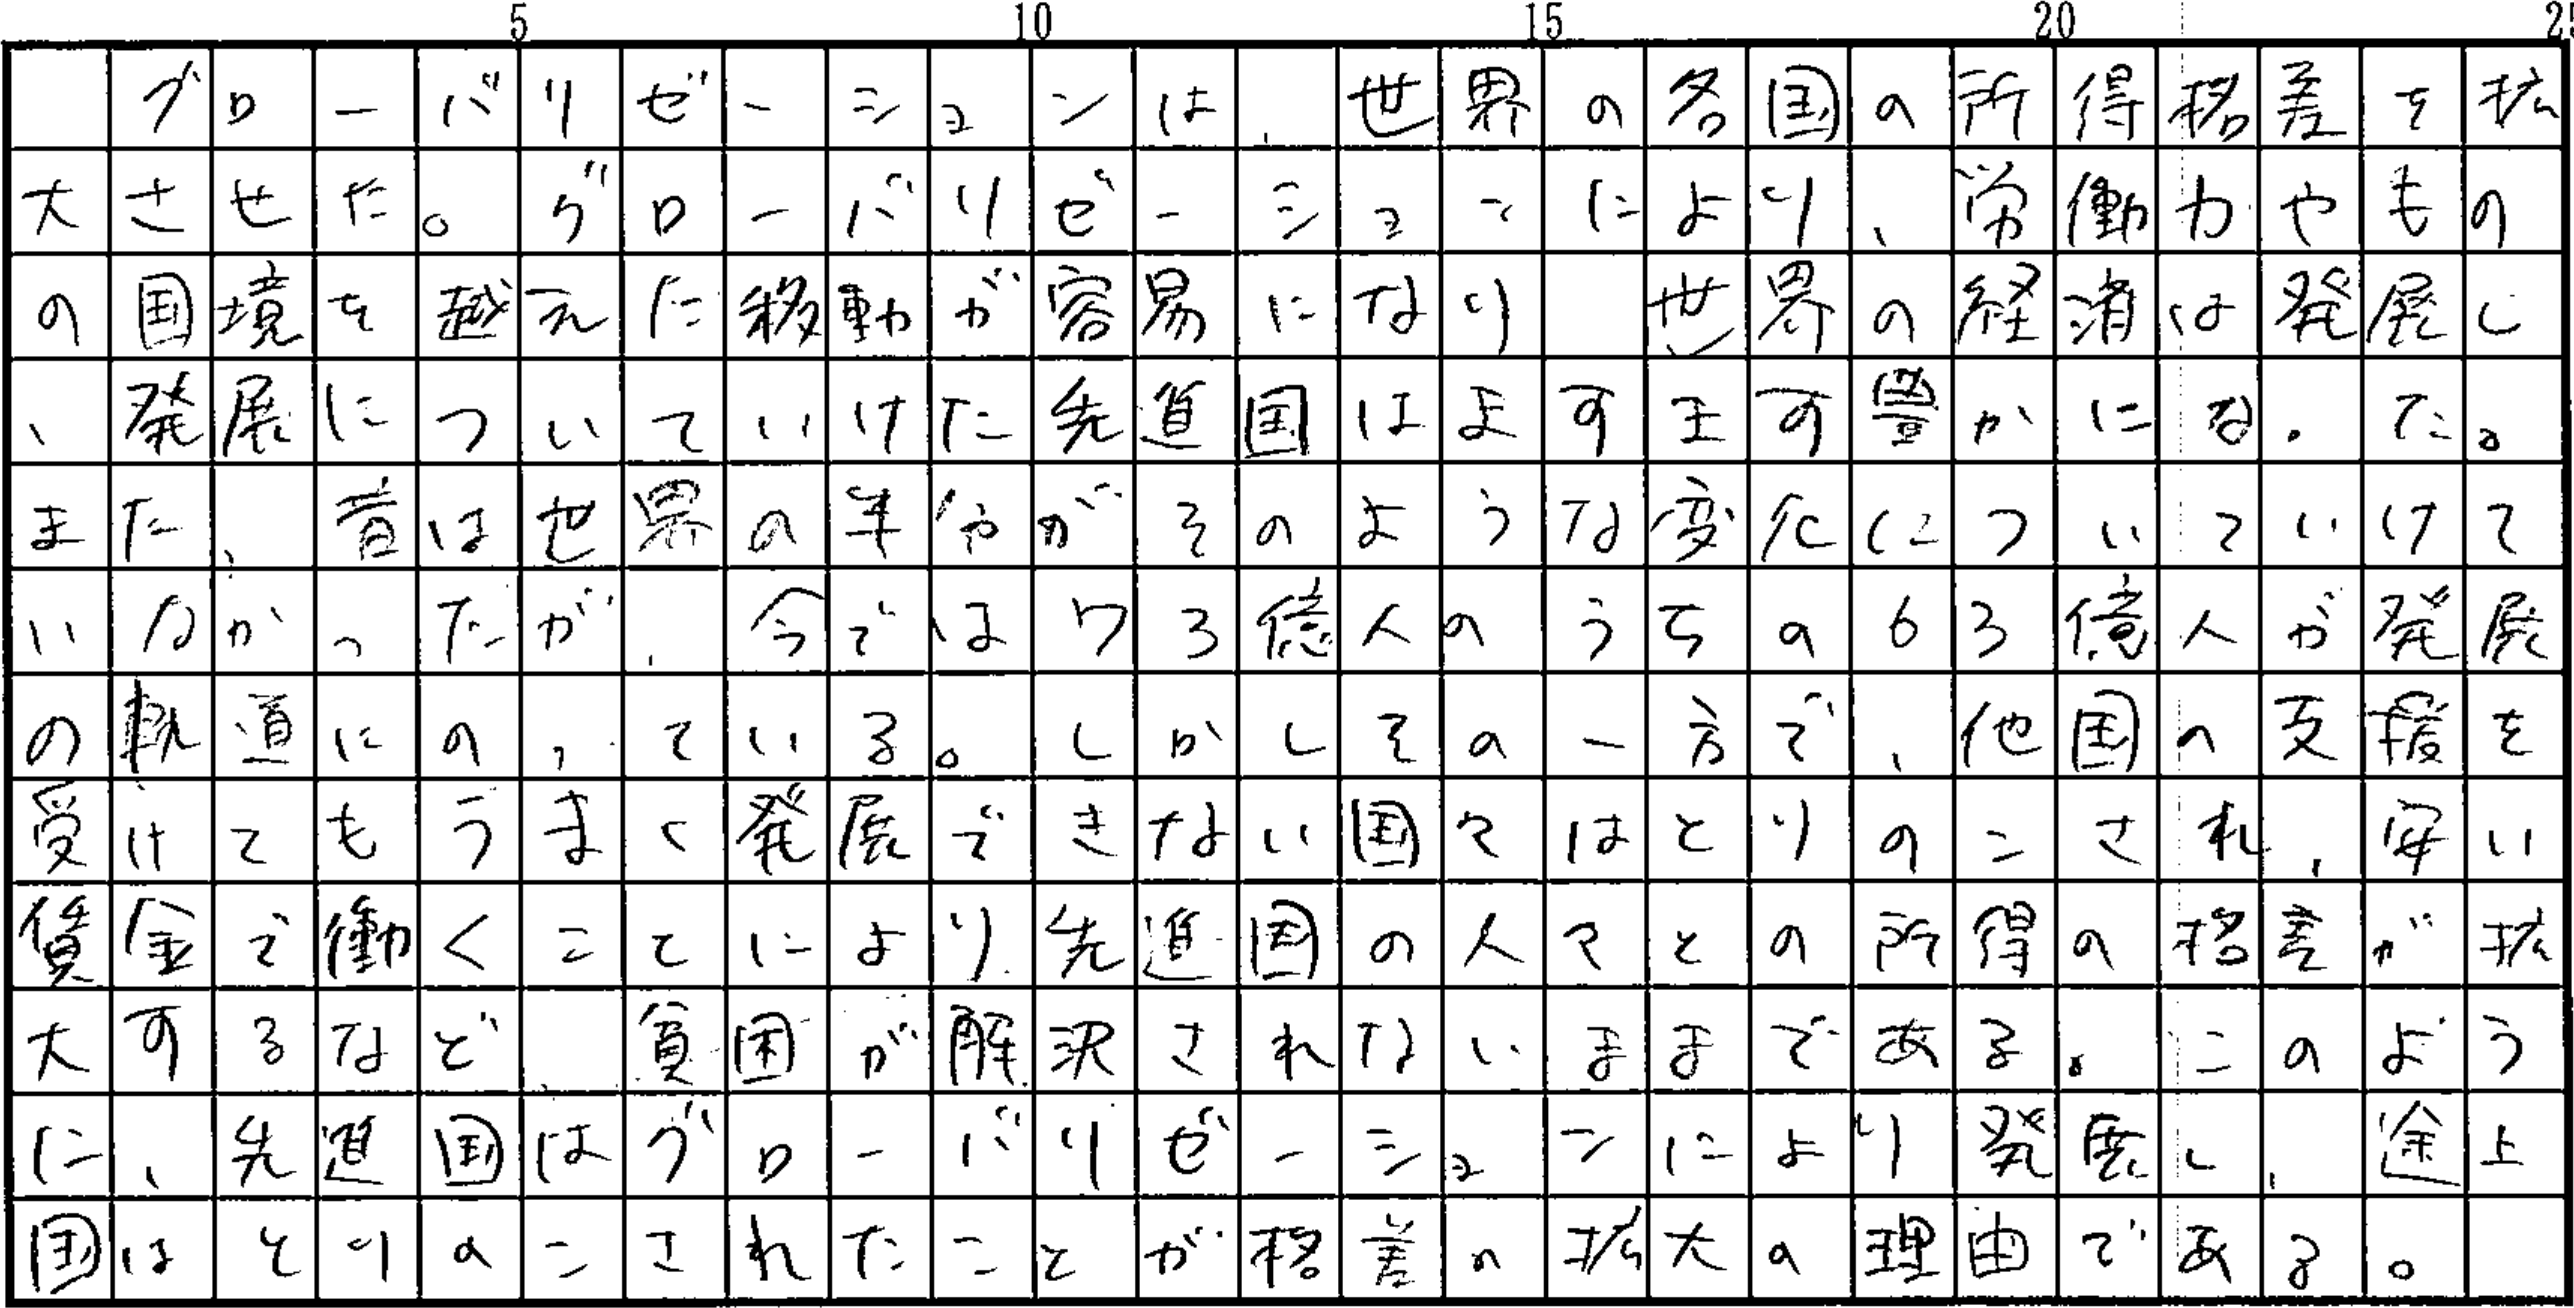　グローバリゼーションは、世界の各国の所得格差を拡大させた。グローバリゼーションにより、労働力やものの国境を越えた移動が容易になり、世界の経済は発展し、発展についていけた先進国はますます豊かになった。また、昔は世界の半分がそのような変化についていけていなかったが、今では７３億人のうち６３億人が発展の軌道にのっている。しかしその一方で、他国の支援を受けてもうまく発展できない国々はとりのこされ、安い賃金で働くことにより先進国の人々との所得の格差が拡大するなど、貧困が解決されないままである。このように、先進国はグローバリゼーションにより発展し、途上国はとりのこされたことが格差の拡大の理由である。
